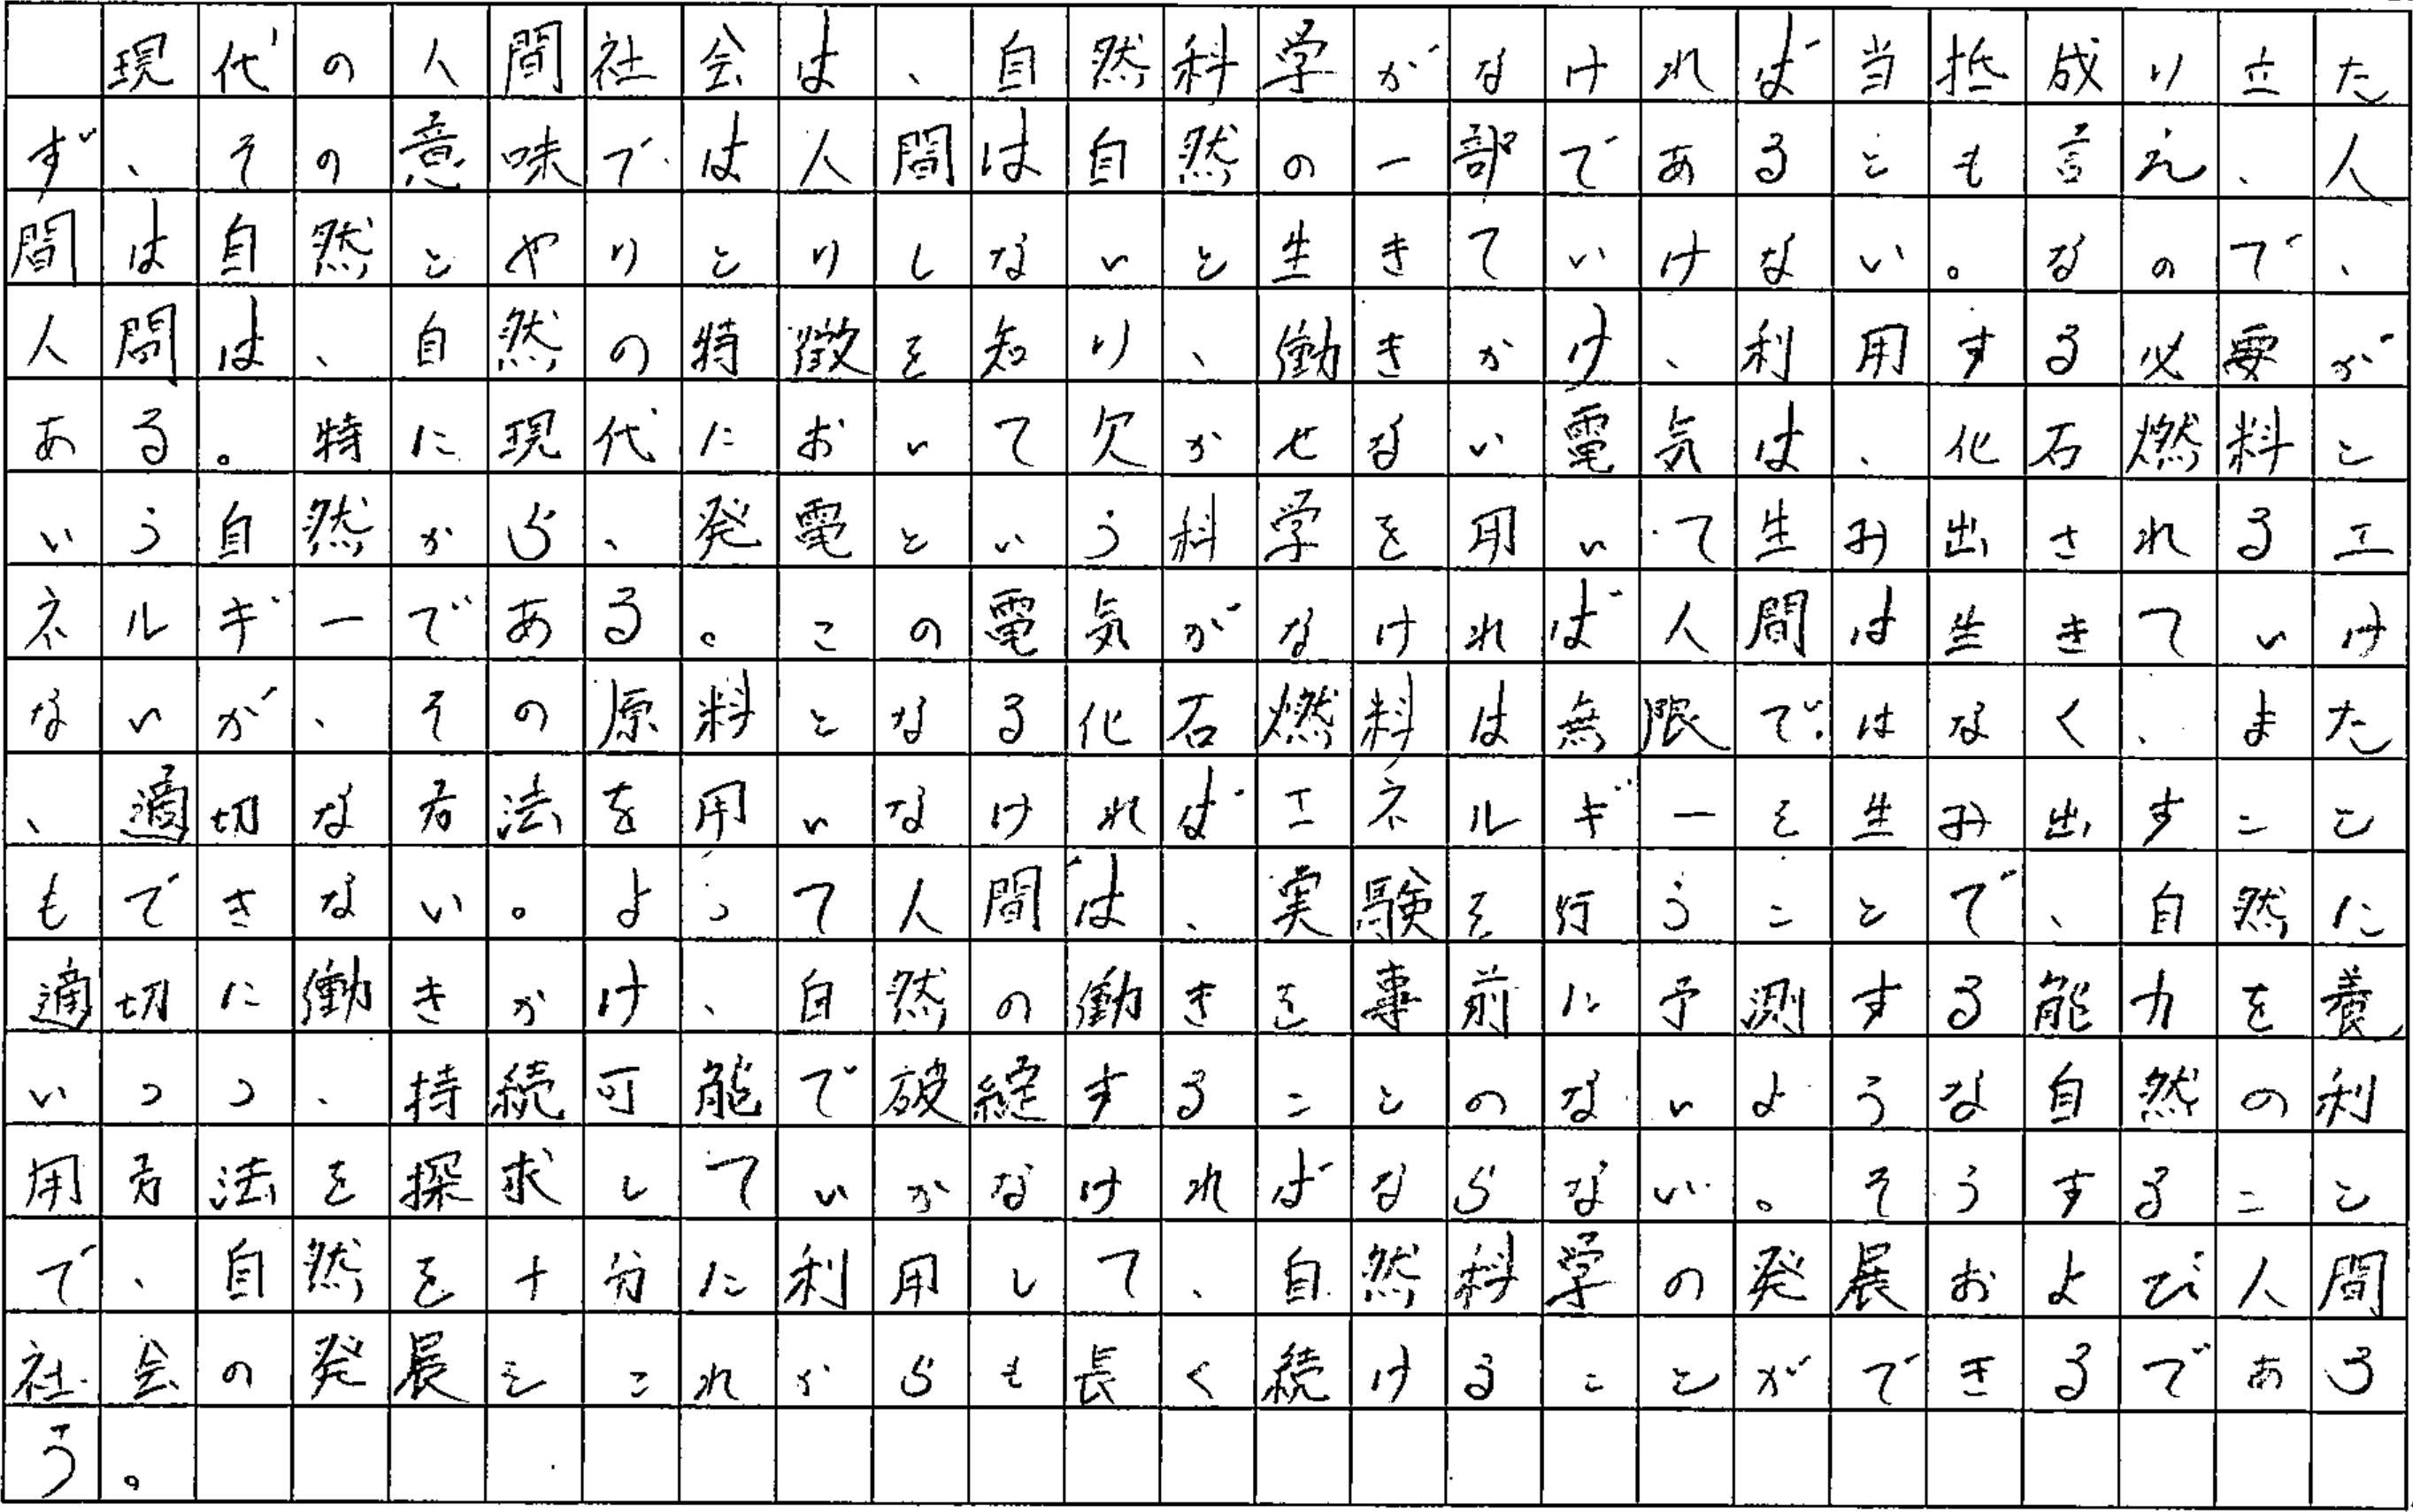　現代の人間社会は、自然科学がなければ当抵成り立たず、その意味では人間は自然の一部であるとも言え、人間は自然とやりとりしないと生きていけない。なので、人間は、自然の特徴を知り、働きかけ、利用する必要がある。特に現代において欠かせない電気は、化石燃料という自然から、発電という科学を用いて生み出されるエネルギーである。この電気がなければ人間は生きていけないが、その原料となる化石燃料は無限ではなく、また、適切な方法を用いなければエネルギーを生み出すこともできない。よって人間は、実験を行うことで、自然に適切に働きかけ、自然の働きを事前に予測する能力を養いつつ、持続可能で破綻することのないような自然の利用方法を探求していかなければならない。そうすることで、自然を十分に利用して、自然科学の発展および人間社会の発展をこれからも長く続けることができるであろう。
